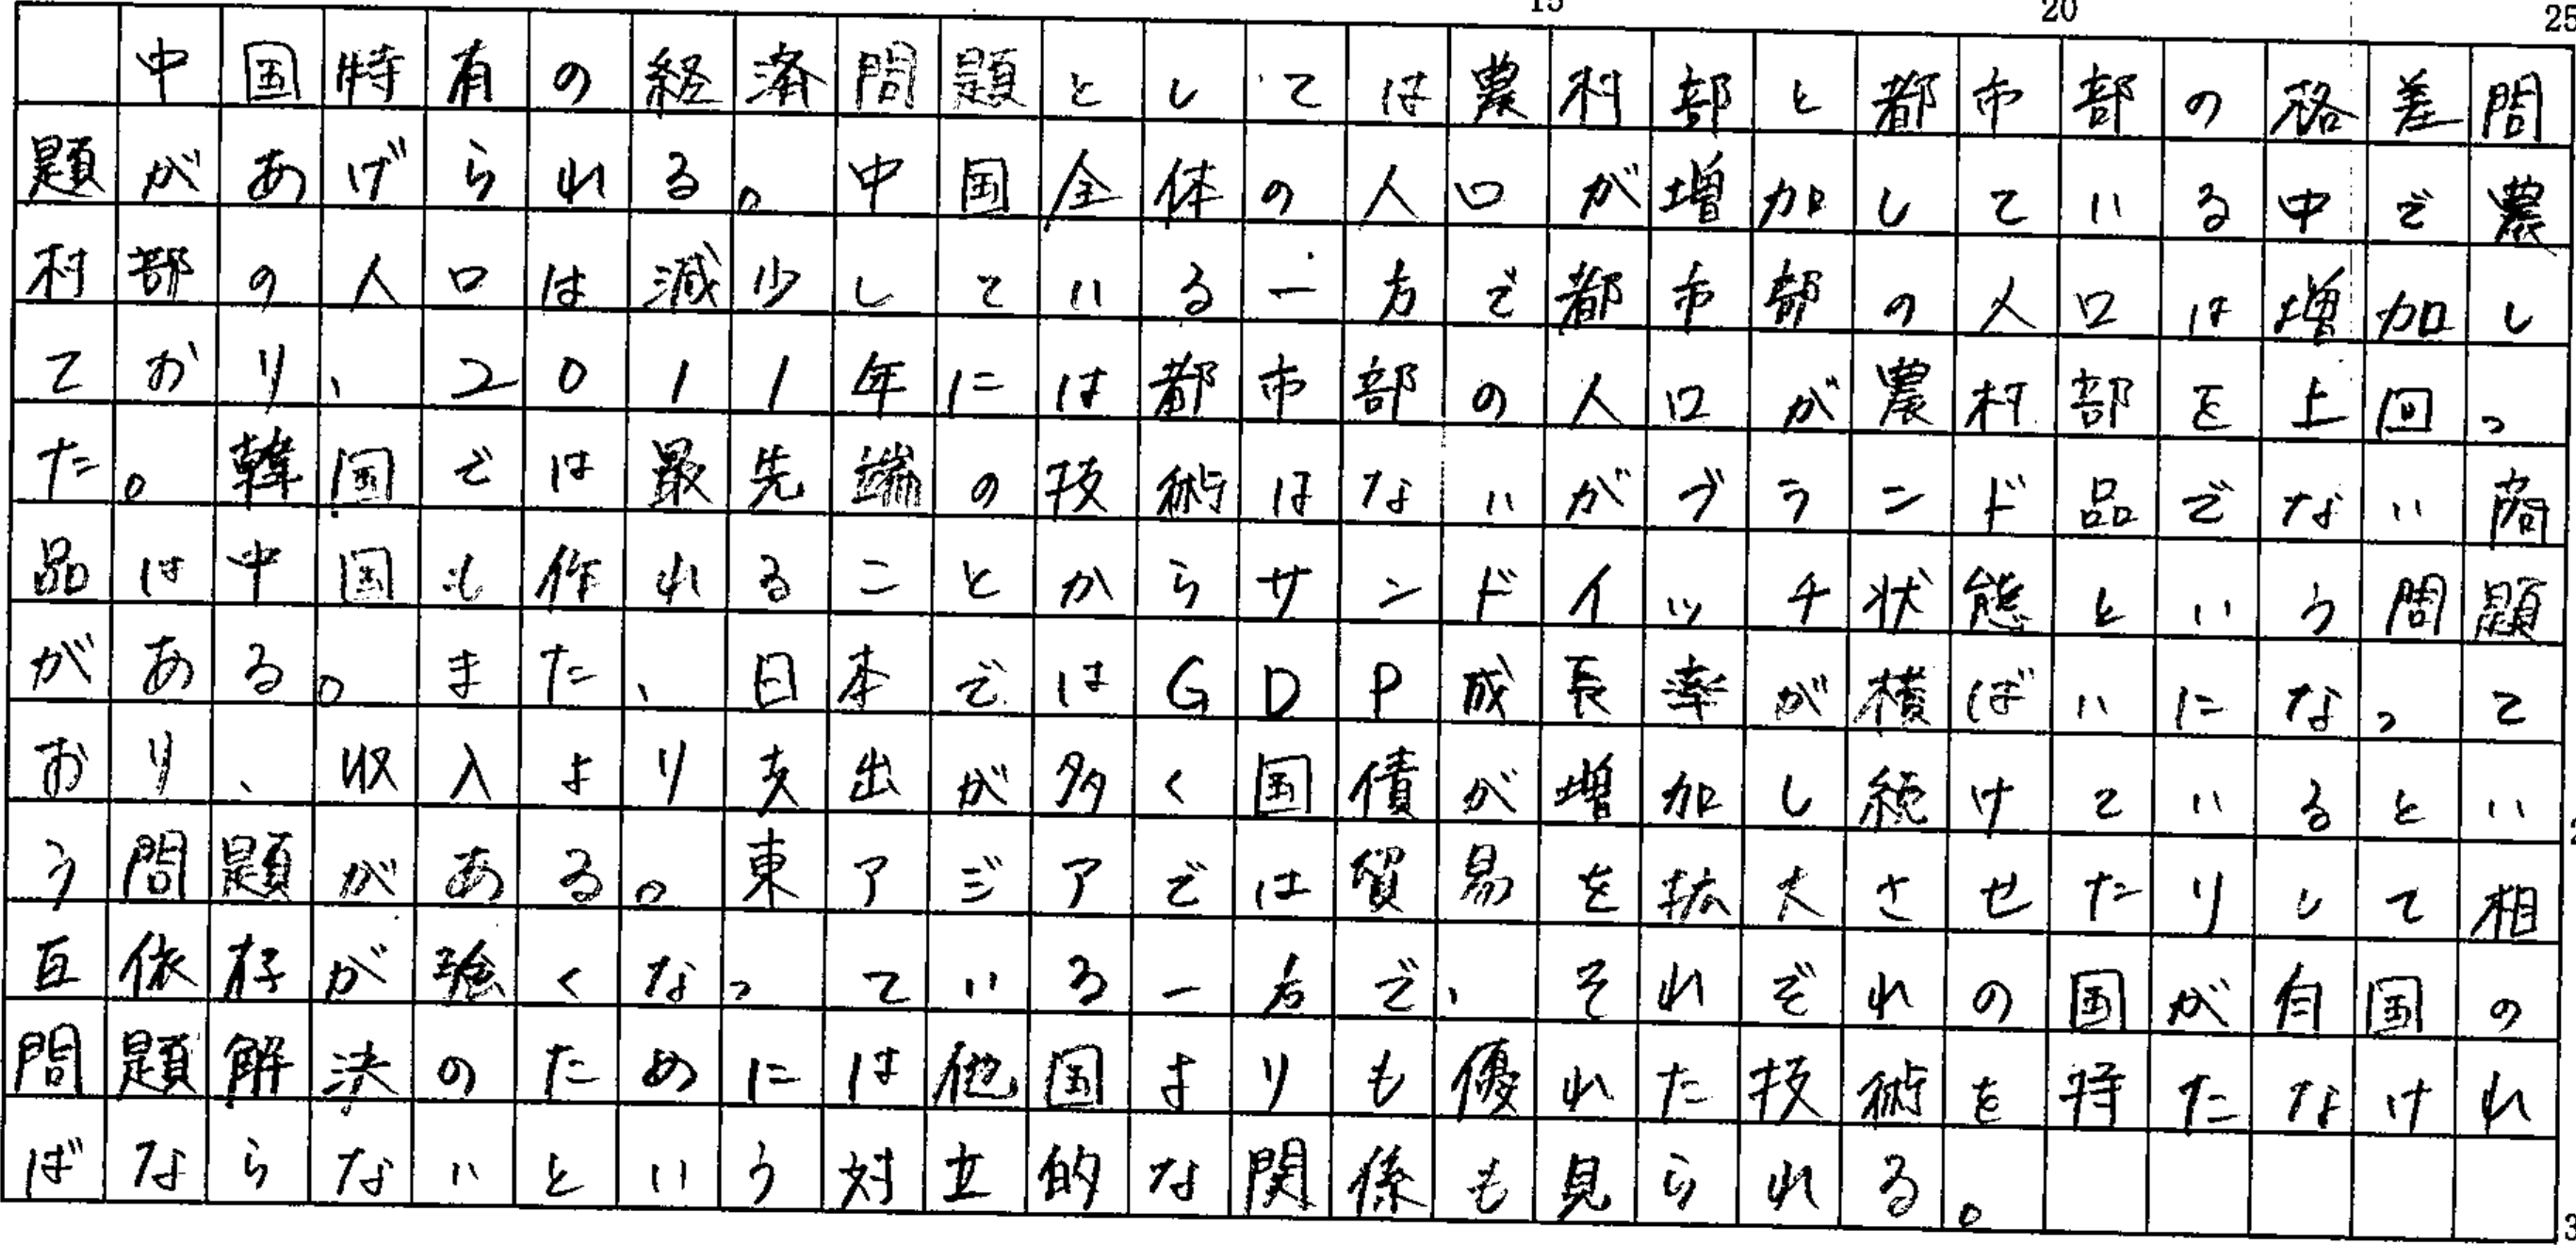　中国特有の経済問題としては農村部と都市部の格差問題があげられる。中国全体の人口が増加している中で農村部の人口は減少している一方で都市部の人口は増加しており、２０１１年には都市部の人口が農村部を上回った。韓国では最先端の技術はないがブランド品でない商品は中国も作れることからサンドイッチ状態という問題がある。また、日本ではＧＤＰ成長率が横ばいになっており、収入より支出が多く国債が増加し続けているという問題がある。東アジアでは貿易を拡大させたりして相互依存が強くなっている一方で、それぞれの国が自国の問題解決のためには他国よりも優れた技術を持たなければならないという対立的な関係も見られる。
